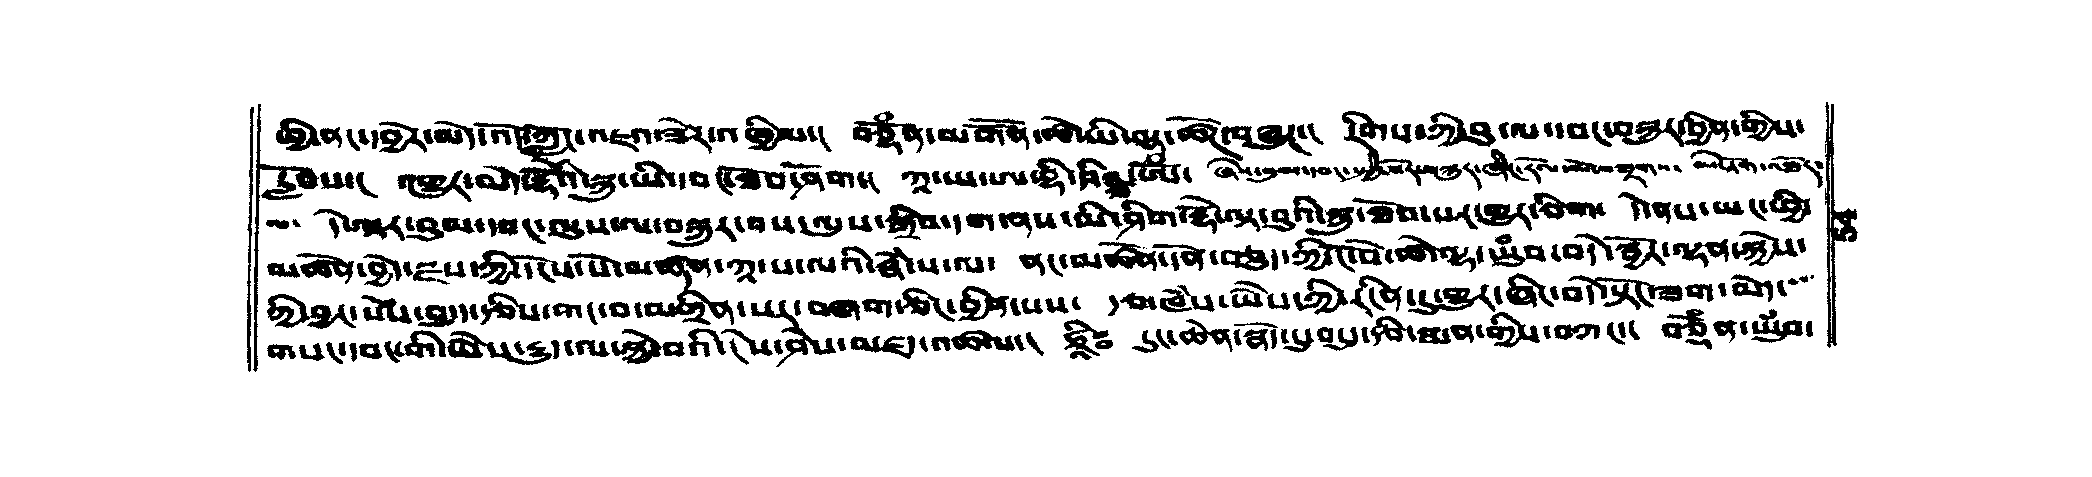ཕྱི་ནང་དབྱེར་མེད་འོད་ཀློང་འཇའ་ཟེར་འཁྱིམ། བཅོམ་ལྡན་མགོན་པོ་ཆེ་ཡི་ལྷ་ཚོགས་བཞུགས། རིགས་ཀྱི་བུ་ལ་དབང་བསྐུར་བྱིན་གྱིས་
རློབས། འགྱུར་མེད་རྡོ་རྗེའི་སྐུ་ཡི་དབང་ཐོབ་ཤོག ཀཱ་ཡ་ཨ་བྷི་རིཉྩ་ཨོཾ། ཞེས་བུམ་དབང་སྤྱི་བོར་བསྐུར་ཞིང་རོལ་མོ་བསྒྲགས། མེ་ཏོག་འཐོར་
ལ། དེ་ལྟར་བུམ་དབང་ལྟ་བུས་ལ་བསྐུར་བས་ལུས་སྒྲིབ་དག་ནས་ཡི་ཤིག་རྡོ་རྗེ་ལྟ་བུའི་སྐུ་ཐོབ་པར་གྱུར་ཅིག དེ་ནས་ཡང་ཕྱི་
མཚོན་བྱེད་རྫས་ཀྱི་དངོས་པོ་མཚན་ལྡན་ཀཱ་པ་ལའི་རྣམ་པ་ལ། ནང་མཚོན་དོན་བཅུད་ཀྱི་ངོ་བོ་ཚེ་ལྷ་ཡབ་ཡུམ་བདེ་སྦྱོར་ལྷན་སྐྱེས་
ཀྱི་བྱང་སེམས་བདུད་རྩིས་གང་བ་མགྲིན་པར་བཞག་ཅིང་བྱིན་པས། རྩ་ཁམས་ཡེ་ཤེས་ཀྱི་རང་བཞིན་དུ་གྱུར་ཞིང་བདེ་སྟོང་ཟག་མེད་
གསང་དབང་གི་ཡེ་ཤེས་རྒྱུད་ལ་སྐྱེ་བའི་ངེས་ཤེས་མཛད་འཚལ། ཧྲཱིཿ དུང་ཆེན་སྣོད་དུ་བདུད་རྩི་སྨན་གྱིས་བཀང་། བཅོམ་ལྡན་ཡབ་ཡུམ་